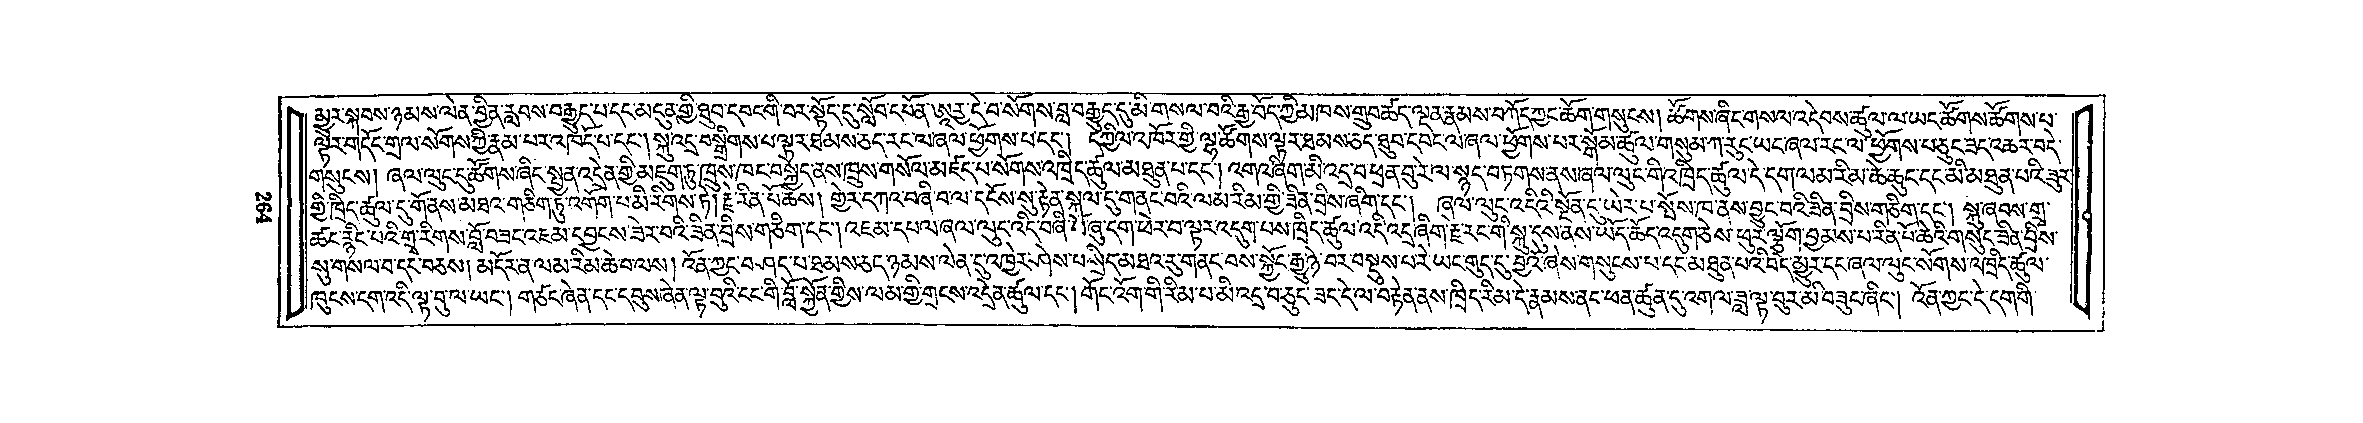མྱུར་སྐབས་ཉམས་ལེན་བྱིན་རླབས་བརྒྱུད་པ་དང་མདུན་གྱི་ཐུབ་དབང་གི་བར་སྟོད་དུ་སློབ་དཔོན་ཨཱརྱ་དེ་བ་སོགས་བླ་བརྒྱུད་དུ་མི་གསལ་བའི་རྒྱ་བོད་ཀྱི་མཁས་གྲུབ་ཚད་ལྡན་རྣམས་བཀོད་ཀྱང་ཆོག་གསུངས། ཚོགས་ཞིང་གསལ་འདེབས་ཚུལ་ལ་ཡང་ཚོགས་ཚོགས་པ་
ལྟར་གདོང་གྲལ་སོགས་ཀྱི་རྣམ་པར་འཁོད་པ་དང་། སྐུ་འདྲ་བསྒྲིགས་པ་ལྟར་ཐམས་ཅད་རང་ལ་ཞལ་ཕྱོགས་པ་དང་། དཀྱིལ་འཁོར་གྱི་ལྷ་ཚོགས་ལྟར་ཐམས་ཅད་ཐུབ་དབང་ལ་ཞལ་ཕྱོགས་པར་སྒོམ་ཚུལ་གསུམ་ཀ་རུང་ཡང་ཞལ་རང་ལ་ཕྱོགས་པ་ཅུང་ཟད་འཆར་བདེ་
གསུངས། ཞལ་ལུང་དུ་ཚོགས་ཞིང་སྤྱན་འདྲེན་གྱི་མཇུག་ཏུ་ཁྲུས་ཁང་བསྐྱེད་ནས་ཁྲུས་གསོལ་མཛད་པ་སོགས་འཁྲིད་ཚུལ་མཐུན་པ་དང་། འགའ་ཞིག་མི་འདྲ་བ་ཕྲན་བུ་རེ་ལ་སྙད་བཏགས་ནས་ཞལ་ལུང་གི་འཁྲིད་ཚུལ་དེ་དག་ལམ་རིམ་ཆེ་ཆུང་དང་མི་མཐུན་པའི་ཟུར་
གྱི་ཁྲིད་ཚུལ་དུ་གོ་ནས་མཐའ་གཅིག་ཏུ་འགོག་པ་མི་རིགས་ཏེ། རྗེ་རིན་པོ་ཆེས། གྱེར་དཀའ་བཞི་བ་ལ་དངོས་སུ་རྟེན་སྐལ་དུ་གནང་བའི་ལམ་རིམ་གྱི་ཟིན་བྲིས་ཞིག་དང་། ཞལ་ལུང་འདིའི་སྔོན་དུ་ཡེར་པ་སྤོས་ཁ་ནས་བྱུང་བའི་ཟིན་བྲིས་གཅིག་དང་། སྐུ་ཞབས་གྲྭ་
ཚང་རྙིང་པའི་གྲྭ་རིགས་བློ་བཟང་འཇམ་དབྱངས་ཟེར་བའི་ཟིན་བྲིས་གཅིག་དང་། འཇམ་དཔལ་ཞལ་ལུང་འདི་བཞི་པོ་ཞུ་དག་ཕེར་བ་ལྟར་འདུག་པས་ཁྲིད་ཚུལ་འདི་འདྲ་ཞིག་རྗེ་རང་གི་སྐུ་དུས་ནས་ཡོད་ཆོད་འདུག་ཅེས་ཕུར་ལྕོག་བྱམས་པ་རིན་པོ་ཆེའི་གསུང་ཟིན་བྲིས་
སུ་གསལ་བ་དང་བཅས། མདོར་ན་ལམ་རིམ་ཆེ་བ་ལས། འོན་ཀྱང་བཤད་པ་ཐམས་ཅད་ཉམས་ལེན་དུ་འཁྱེར་ཤེས་པ་སྲིད་མཐའ་རུ་གནང་བས་སྐྱོང་རྒྱུ་ཉེ་བར་བསྡུས་པ་རེ་ཡང་གུད་དུ་བྱའོ་ཞེས་གསུངས་པ་དང་མཐུན་པའི་བདེ་མྱུར་དང་ཞལ་ལུང་སོགས་འཁྲིད་ཚུལ་
ཁུངས་དག་འདི་ལྟ་བུ་ལ་ཡང་། གཙང་ཞེན་དང་དབུས་ཞེན་ལྟ་བུའི་ངང་གི་བློ་སྐྱོན་གྱིས་ལམ་གྱི་གྲངས་འདྲེན་ཚུལ་དང་། གོང་འོག་གི་རིམ་པ་མི་འདྲ་བ་ཅུང་ཟད་དེ་ལ་བརྟེན་ནས་ཁྲིད་རིམ་དེ་རྣམས་ནང་ཕན་ཚུན་དུ་འགལ་ཟླ་ལྟ་བུར་མི་བཟུང་ཞིང་། འོན་ཀྱང་དེ་དག་གི་